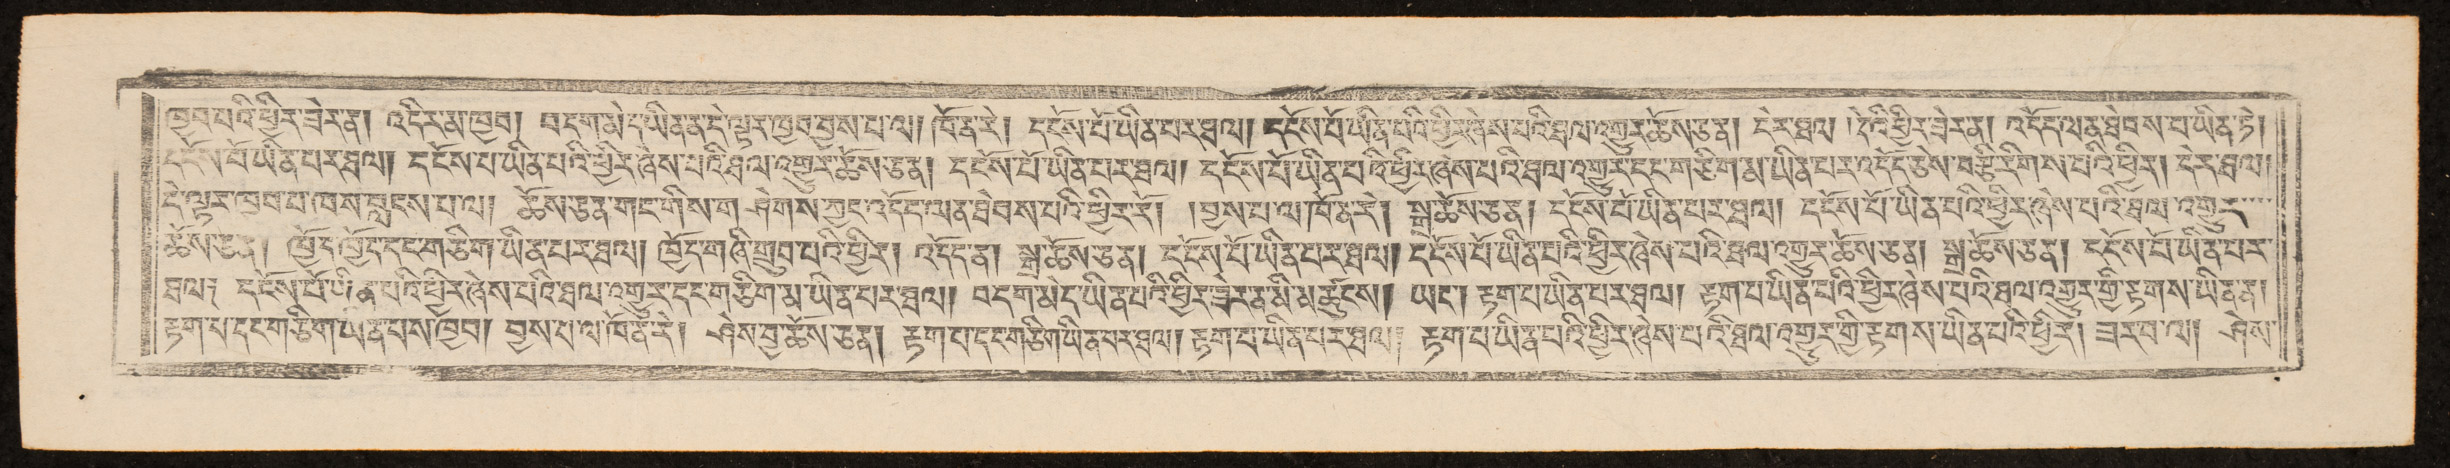ཁྱབ་པའི་ཕྱིར་ཟེར་ན། འདིར་མ་ཁྱབ། བདག་མེད་ཡིན་ན་དེ་ལྟར་ཁྱབ་བྱས་པ་ལ། ཁོ་ན་རེ། དངོས་པོ་ཡིན་པར་ཐལ། དངོས་པོ་ཡིན་པའི་ཕྱིར་ཞེས་པའི་ཐལ་འགྱུར་ཆོས་ཅན། དེར་ཐལ། དེའི་ཕྱིར་ཟེར་ན། འདོད་ལན་ཐེབས་པ་ཡིན་ཏེ།
དངོས་པོ་ཡིན་པར་ཐལ། དངོས་པོ་ཡིན་པའི་ཕྱིར་ཞེས་པའི་ཐལ་འགྱུར་ཆོས་ཅན། དངོས་པོ་ཡིན་པར་ཐལ། དངོས་པོ་ཡིན་པའི་ཕྱིར་ཞེས་པའི་ཐལ་འགྱུར་དང་གཅིག་མ་ཡིན་པར་འདོད་ཅེས་བརྩི་རིགས་པའི་ཕྱིར། དེར་ཐལ་
དེ་ལྟར་ཁྱབ་པ་ཁས་བླངས་པ་ལ། ཆོས་ཅན་གང་གིས་གཤགས་ཀྱང་འདོད་ལན་ཐེབས་པའི་ཕྱིར་རོ། །བྱས་པ་ལ་ཁོ་ན་རེ། སྒྲ་ཆོས་ཅན། དངོས་པོ་ཡིན་པར་ཐལ། དངོས་པོ་ཡིན་པའི་ཕྱིར་ཞེས་པའི་ཐལ་འགྱུར་
ཆོས་ཅན། ཁྱོད་ཁྱོད་དང་གཅིག་ཡིན་པར་ཐལ། ཁྱོད་གཞི་གྲུབ་པའི་ཕྱིར། འདོད་ན། སྒྲ་ཆོས་ཅན། དངོས་པོ་ཡིན་པར་ཐལ། དངོས་པོ་ཡིན་པའི་ཕྱིར་ཞེས་པའི་ཐལ་འགྱུར་ཆོས་ཅན། སྒྲ་ཆོས་ཅན། དངོས་པོ་ཡིན་པར་
ཐལ། དངོས་པོ་ཡིན་པའི་ཕྱིར་ཞེས་པའི་ཐལ་འགྱུར་དང་གཅིག་མ་ཡིན་པར་ཐལ། བདག་མེད་ཡིན་པའི་ཕྱིར་ཟེར་ན་མི་མཚུངས། ཡང་། རྟག་པ་ཡིན་པར་ཐལ། རྟག་པ་ཡིན་པའི་ཕྱིར་ཞེས་པའི་ཐལ་འགྱུར་གྱི་རྟགས་ཡིན་ན།
རྟག་པ་དང་གཅིག་ཡིན་པས་ཁྱབ། བྱས་པ་ལ་ཁོ་ན་རེ། ཤེས་བྱ་ཆོས་ཅན། རྟག་པ་དང་གཅིག་ཡིན་པར་ཐལ། རྟག་པ་ཡིན་པར་ཐལ། རྟག་པ་ཡིན་པའི་ཕྱིར་ཞེས་པའི་ཐལ་འགྱུར་གྱི་རྟགས་ཡིན་པའི་ཕྱིར། ཟེར་བ་ལ། ཤེས་